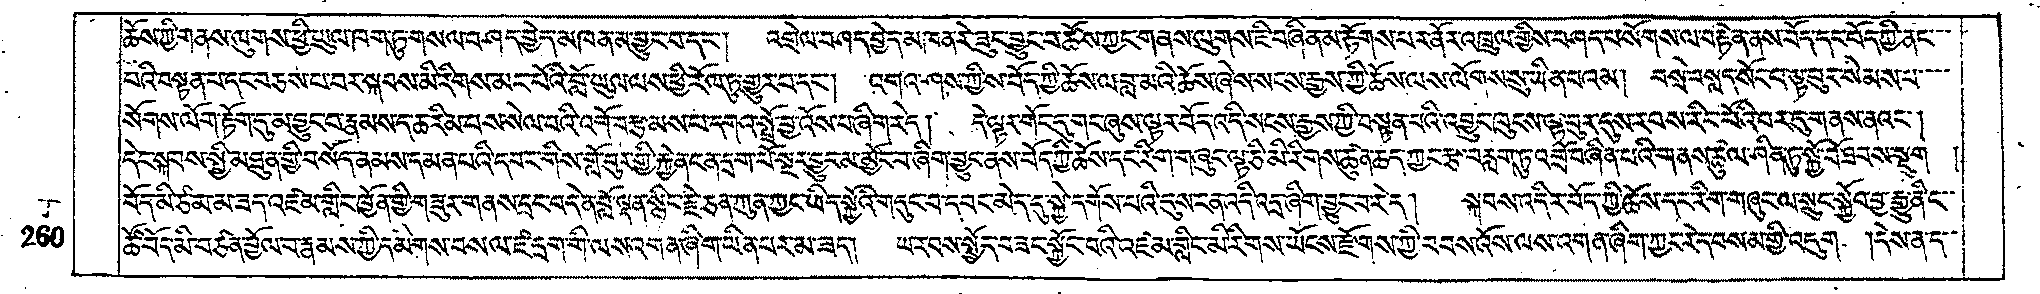ཆོས་ཀྱི་གནས་ལུགས་ཕྱི་ཡུལ་ཁག་ཏུ་གསལ་བཤད་བྱེད་མཁན་མ་བྱུང་བ་དང་། འགྲེལ་བཤད་བྱེད་མཁན་རེ་ཟུང་བྱུང་བ་ཚོས་ཀྱང་གནས་ལུགས་ཇི་བཞིན་མ་རྟོགས་པར་ནོར་འཁྲུལ་གྱིས་བཤད་པ་སོགས་ལ་བརྟེན་ནས་བོད་དང་བོད་ཀྱི་ནང་་་
པའི་བསྟན་པ་དང་བཅས་པ་བར་སྐབས་མི་རིགས་མང་པོའི་བློ་ཡུལ་ལས་ཕྱི་རོལ་ཏུ་གྱུར་པ་དང་། འགའ་ཤས་ཀྱིས་བོད་ཀྱི་ཆོས་ལ་བླ་མའི་ཆོས་ཞེས་སངས་རྒྱས་ཀྱི་ཆོས་ལས་ལོགས་སུ་ཡིན་པའམ། བསྲེ་བསླད་སོང་བ་ལྟ་བུར་སེམས་པ་་་
སོགས་ལོག་རྟོག་དུ་མ་བྱུང་བ་རྣམས་ད་ཆ་རིམ་པས་སེལ་བའི་འགོ་བརྩམས་པ་དགའ་སྤྲོ་བྱ་འོས་པ་ཞིག་རེད། དེ་ལྟར་གོང་དུ་གང་ཞུས་ལྟར་བོད་འདི་སངས་རྒྱས་ཀྱི་བསྟན་པའི་འབྱུང་ཁུངས་ལྟ་བུར་དུས་རབས་རིང་པོའི་བར་དུ་གནས་ནའང་།
དེང་སྐབས་སྤྱི་མཐུན་གྱི་བསོད་ནམས་དམན་པའི་དབང་གིས་གློ་བུར་གྱི་རྐྱེན་ངན་དྲག་པོ་སྔར་བྱུང་མ་མྱོང་བ་ཞིག་བྱུང་ནས་བོད་ཀྱི་ཆོས་དང་རིག་གཞུང་ལྟ་ཅི་མི་རིགས་ཚུན་ཆད་ཀྱང་རྩ་བརླག་ཏུ་འགྲོ་བཞིན་པའི་གནས་ཚུལ་ཤིན་ཏུ་སྐྱོ་བོ་ཐབས་སྡུག །
བོད་མི་ཙམ་མ་ཟད་འཛམ་གླིང་ཁྱོན་གྱི་གཟུར་གནས་དྲང་བདེན་བློ་ལྡན་སྙིང་རྗེ་ཅན་ཀུན་ཀྱང་ཡིད་སྐྱོའི་གདུང་བ་དབང་མེད་དུ་སྐྱེ་དགོས་པའི་དུས་ངན་འདི་འདྲ་ཞིག་བྱུང་བ་རེད། སྐབས་འདིར་བོད་ཀྱི་ཆོས་དང་རིག་གཞུང་ལ་སྲུང་སྐྱོབ་བྱ་རྒྱུ་ནི་ང་་་
ཚོ་བོད་མི་བཙན་བྱོལ་བ་རྣམས་ཀྱི་དམིགས་བསལ་ཛ་དྲག་གི་ལས་འགན་ཞིག་ཡིན་པར་མ་ཟད། ཡ་རབས་སྤྱོད་བཟང་སྐྱོང་བའི་འཛམ་གླིང་མི་རིགས་ཡོངས་རྫོགས་ཀྱི་བབས་འོས་ལས་འགན་ཞིག་ཀྱང་རེད་བསམ་གྱི་འདུག །དེས་ན་ད་་་